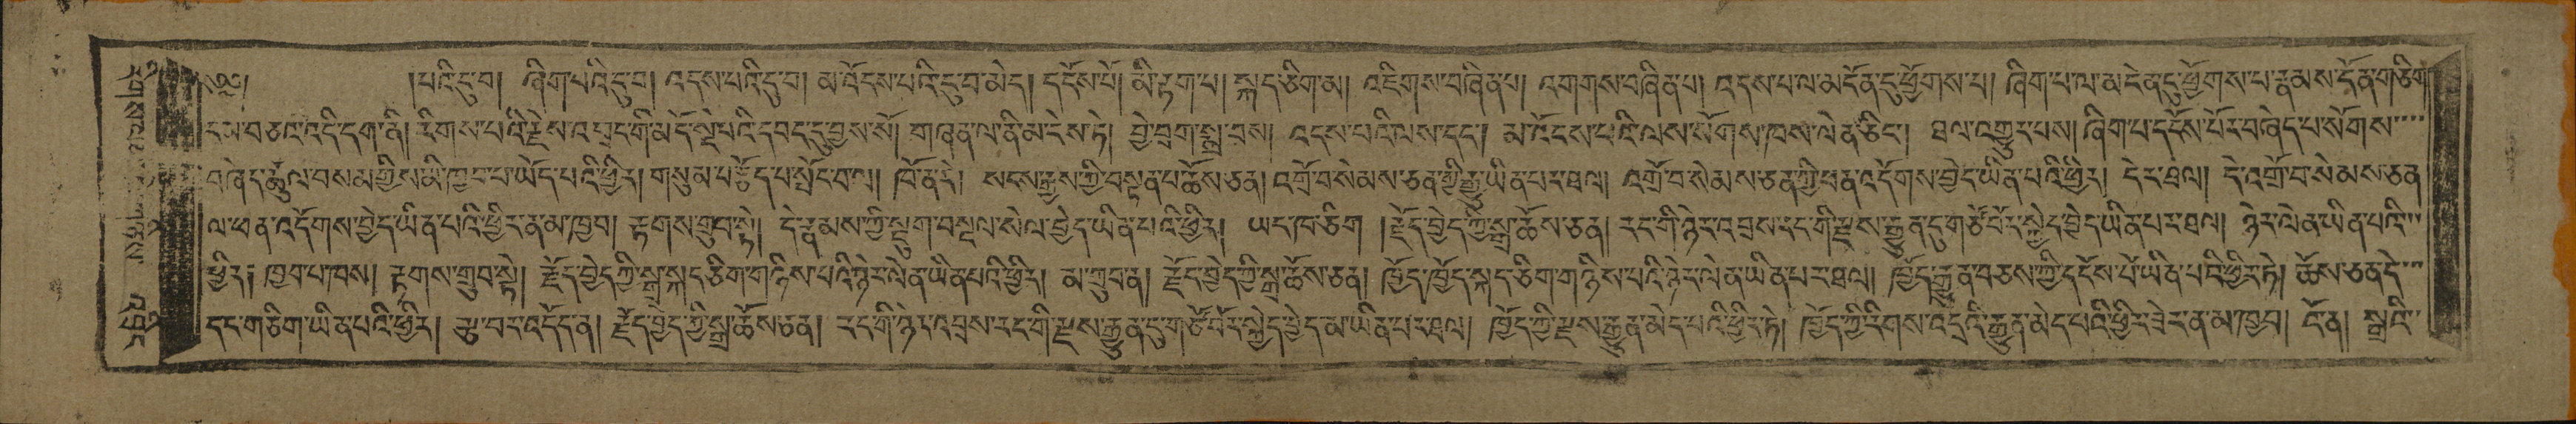༄༅། །པའི་དུ་བ། ཞིག་པའི་དུ་བ། འདས་པའི་དུ་བ། མ་འོངས་པའི་དུ་བ་མེད། དངོས་པོ། མི་རྟག་པ། སྐད་ཅིག་མ། འཇིགས་བཞིན་པ། འགགས་བཞིན་པ། འདས་པ་ལ་མངོན་དུ་ཕྱོགས་པ། ཞིག་པ་ལ་མངོན་དུ་ཕྱོགས་པ་རྣམས་དོན་གཅིག་
དམ་བཅའ་འདི་དག་ནི། རིགས་པའི་རྗེས་འབྲང་གི་མདོ་སྡེ་པའི་དབང་དུ་བྱས་སོ། གཞན་ལ་ནི་མ་རེས་ཏེ། བྱེ་བྲག་སྨྲ་བས། འདས་པའི་ལས་དང་། མ་འོངས་པའི་ལས་སོགས་ཁས་ལེན་ཅིང་། ཐལ་འགྱུར་པས། ཞིག་པ་དངོས་པོར་བཞེད་པ་སོགས་
བཞེད་ཚུལ་བསམ་གྱིས་མི་ཁྱབ་པ་ཡོད་པའི་ཕྱིར། གསུམ་པ་རྩོད་པ་སྤོང་བ་ལ། ཁོ་ན་རེ། སངས་རྒྱས་ཀྱི་བསྟན་པ་ཆོས་ཅན། འགྲོ་བ་སེམས་ཅན་གྱི་རྒྱུ་ཡིན་པར་ཐལ། འགྲོ་བ་སེམས་ཅན་གྱི་ཕན་འདོགས་བྱེད་ཡིན་པའི་ཕྱིར། དེར་ཐལ། དེ་འགྲོ་བ་སེམས་ཅན་
ལ་ཕན་འདོགས་བྱེད་ཡིན་པའི་ཕྱིར་ན་མ་ཁྱབ། རྟགས་གྲུབ་སྟེ། དེ་རྣམས་ཀྱི་སྡུག་བསྔལ་སེལ་བྱེད་ཡིན་པའི་ཕྱིར། ཡང་ཁ་ཅིག །རྗོད་བྱེད་ཀྱི་སྒྲ་ཆོས་ཅན། རང་གི་ཉེར་འབྲས་རང་གི་རྫས་རྒྱུན་དུ་གཙོ་བོར་སྐྱེད་བྱེད་ཡིན་པར་ཐལ། ཉེར་ལེན་ཡིན་པའི་
ཕྱིར༑ ཁྱབ་པ་ཁས། རྟགས་གྲུབ་སྟེ། རྗོད་བྱེད་ཀྱི་སྒྲ་སྐད་ཅིག་གཉིས་པའི་ཉེར་ལེན་ཡིན་པའི་ཕྱིར། མ་གྲུབ་ན། རྗོད་བྱེད་ཀྱི་སྒྲ་ཆོས་ཅན། ཁྱོད་ཁྱོད་སྐད་ཅིག་གཉིས་པའི་ཉེར་ལེན་ཡིན་པར་ཐལ། ཁྱོད་རྒྱུན་བཅས་ཀྱི་དངོས་པོ་ཡིན་པའི་ཕྱིར་ཏེ། ཆོས་ཅན་དེ་
དང་གཅིག་ཡིན་པའི་ཕྱིར། རྩ་བར་འདོད་ན། རྗོད་བྱེད་ཀྱི་སྒྲ་ཆོས་ཅན། རང་གི་ཉེར་འབྲས་རང་གི་རྫས་རྒྱུན་དུ་གཙོ་བོར་སྐྱེད་བྱེད་མ་ཡིན་པར་ཐལ། ཁྱོད་ཀྱི་རྫས་རྒྱུན་མེད་པའི་ཕྱིར་ཏེ། ཁྱོད་ཀྱི་རིགས་འདྲའི་རྒྱུན་མེད་པའི་ཕྱིར་ཟེར་ན་མ་ཁྱབ། འོ་ན། སྒྲའི་